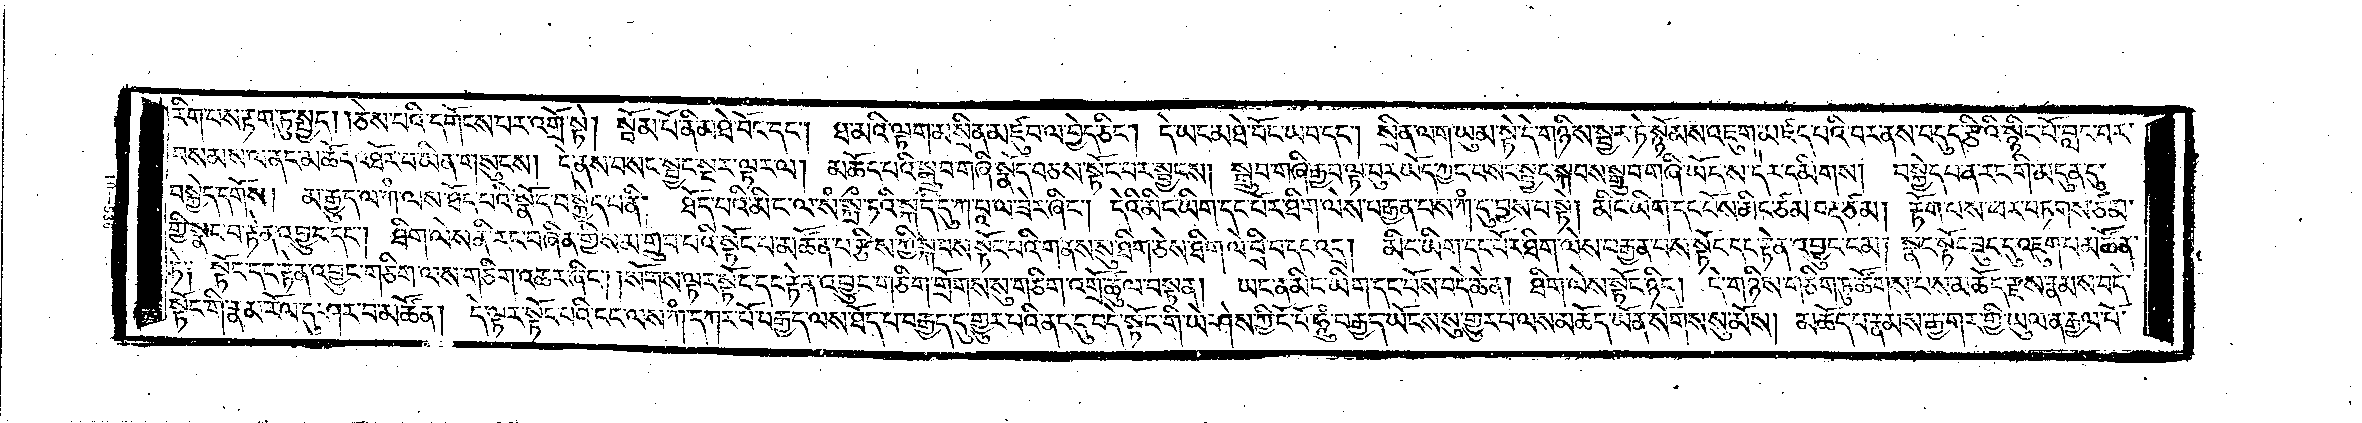རིག་བས་རྟག་ཏུ་སྤྱད། །ཅེས་པའི་དགོངས་པར་འགྲོ་སྟེ། སྦོམ་པོ་ནི་མཐེ་པོང་དང་། ཐ་མའི་ལྟག་མ་སྲིན་མཛུབ་ལ་བྱེད་ཅིང་། དེ་ཡང་མཐེ་བོང་ཡབ་དང་། སྲིན་ལག་ཡུམ་སྟེ་དེ་གཉིས་སྦྱར་ཏེ་སྙོམས་འཇུག་མཛད་བའི་བར་ནས་བདུད་རྩིའི་སྙིང་པོ་བླང་བར་
བསམས་ལ་ནང་མཆོད་འཐོར་བ་ཡིན་གསུངས། དེ་ནས་བསང་སྦྱང་སྔར་ལྟར་ལ། མཆོད་པའི་སྒྲུབ་གཞི་སྣོད་བཅས་སྟོང་པར་སྦྱངས། སྒྲུབ་གཞི་རྒྱབ་ལྟ་བུར་ཡོད་ཀྱང་བསད་སྦྱང་སྐབས་སྒྲུབ་གཞི་ཡོད་ས་དེར་དམིགས། བསྐྱེད་པ་ན་རང་གི་མདུན་དུ་
བསྐྱེད་དགོས། མ་རྒྱུད་ལ་ཀཾ་ལས་ཐོད་པའི་སྣོད་བསྐྱེད་པ་ནི། ཐོད་པའི་མིང་ལ་སཾ་སྐྲྀ་ཏའི་སྐད་དུ་ཀ་པཱ་ལ་ཟེར་ཞིང་། དེའི་མིང་ཡིག་དང་པོར་ཐིག་ལེས་བརྒྱན་པས་ཀཾ་དུ་བྱས་པ་སྟེ། མིང་ཡིག་དང་པོས་མིང་ཙམ་བརྡ་ཙམ། རྟོག་པས་ཕར་བཏགས་ཙམ་
གྱི་སྣང་བ་རྟེན་འབྱུང་དང་། ཐིག་ལེས་ནི་རང་བཞིན་གྱིས་མ་གྲུབ་པའི་སྟོང་པ་མཚོན་པ་རྩིས་ཀྱི་སྐབས་སྟོང་པའི་གནས་སུ་ཐིག་ཅེས་ཐིག་ལེ་བྲི་བ་དང་འདྲ། མིང་ཡིག་དང་པོར་ཐིག་ལེས་བརྒྱན་པས་སྟོང་དང་རྟེན་འབྱུང་ངམ། སྣང་སྟོང་ཟུང་དུ་འཇུག་པ་མཚོན་
ཏེ༑ སྟོང་དང་རྟེན་འབྱུང་གཅིག་ལས་གཅིག་འཆར་ཞིང་། །སོགས་ལྟར་སྟོང་དང་རྟེན་འབྱུང་གཅིག་གྲོགས་སུ་གཅིག་འགྲོ་ཚུལ་བསྟན། ཡང་ན་མིང་ཡིག་དང་པོས་བདེ་ཆེན། ཐིག་ལེས་སྟོང་ཉིད། དེ་གཉིས་གཅིག་ཏུ་ཚོགས་པས་མཆོད་རྫས་རྣམས་བདེ་
སྟོང་གི་རྣམ་རོལ་དུ་ཤར་བ་མཚོན། དེ་ལྟར་སྟོང་པའི་ངང་ལས་ཀཾ་དཀར་པོ་བརྒྱད་ལས་ཐོད་པ་བརྒྱད་དུ་གྱུར་པའི་ནང་དུ་བདེ་སྟོང་གི་ཡེ་ཤེས་ཀྱི་ངོ་བོ་ཧཱུཾ་བརྒྱད་ཡོངས་སུ་གྱུར་པ་ལས་མཆོད་ཡོན་སོགས་སུ་མོས། མཆོད་པ་རྣམས་རྒྱ་གར་གྱི་ཡུལ་ན་རྒྱལ་པོ་